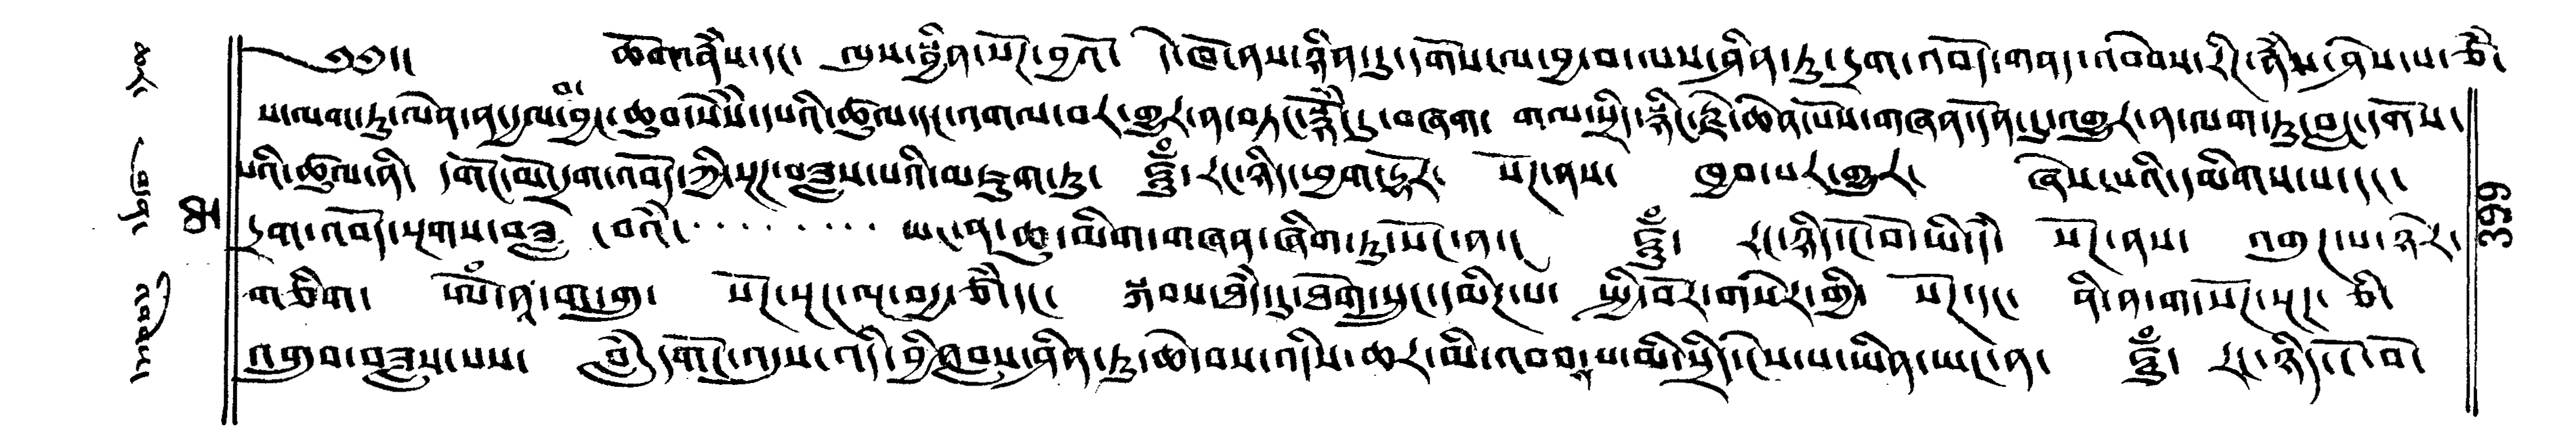ཆོག་རྣམས་དང་། ལུས་སྦྱིན་སོགས་བྱའོ། དེ་ཁོ་ནས་ཉིན་དུ་དགོས་ལ་བྱ་བ་ལས་ཤིན་ཏུ་དྲག་འབོད་གནད་འབེབས་རིགས་རྣམས་ཤེས་པ་ཙམ་
པ་ལག་ཏུ་ལེན་ན་རྒྱལ་བ་བྱང་ཆུབ་སེམས་དཔའི་ཚུལ་དང་འགལ་བར་གྱུར་ན་བཏང་སྙོམས་སུ་བཞག གལ་སྲིད་སྙིང་རྗེ་ཆེན་པོས་གཞན་དོན་དུ་འགྱུར་ན་ལག་ཏུ་བླང་དགོས་
པའི་ཚུལ་ནི། དགོང་མོ་དྲག་འབོད་ཀྱི་སྔགས་བཟླས་པའི་མཇུག་ཏུ། ཧཱུྃ། རང་ཉིད་ཕྱག་རྡོར༴ སོགས་ནས། ཁྱབ་པར་གྱུར། ཞེས་པའི་དམིགས་པ་དང་། 
དྲགས་འབོད་སྔགས་བཟླ་བའམ་ཡང་ན་ཆུ་མིག་གཞན་ཞིག་ཏུ་སོང་ནས། ཧཱུྃ། རང་ཉིད་ངོ་བོ་ཡི་དམ༴ སོགས་ནས། འགུགས་པ་ཉེར་
གཅིག ཨོཾ་ནཱ་ག་གྲུ༴ སོགས་སྔགས་ལྔ་བརྒྱ་ཙམ་དང་། སྐབས་ཐམས་ཅད་དུ་ཐོག་སྲུང་དམིགས་པ། སྤྱི་བོར་གསེར་གྱི༴ སོགས་དང་། ནི་ན་ག༴ སོགས་སྔགས་ཅི་
འགྲུབ་བཟླས་པས། བླ་མ་དགོངས་འདུས་འདི་བྱིན་རླབས་ཤིན་ཏུ་ཆེ་བས་འདིས་ཆར་མི་འབབ་པ་མི་སྲིད་ངེས་པ་ཡིན་ན་ཡང་།ཧཱུྃ། རང་ཉིད་ངོ་བོ༴